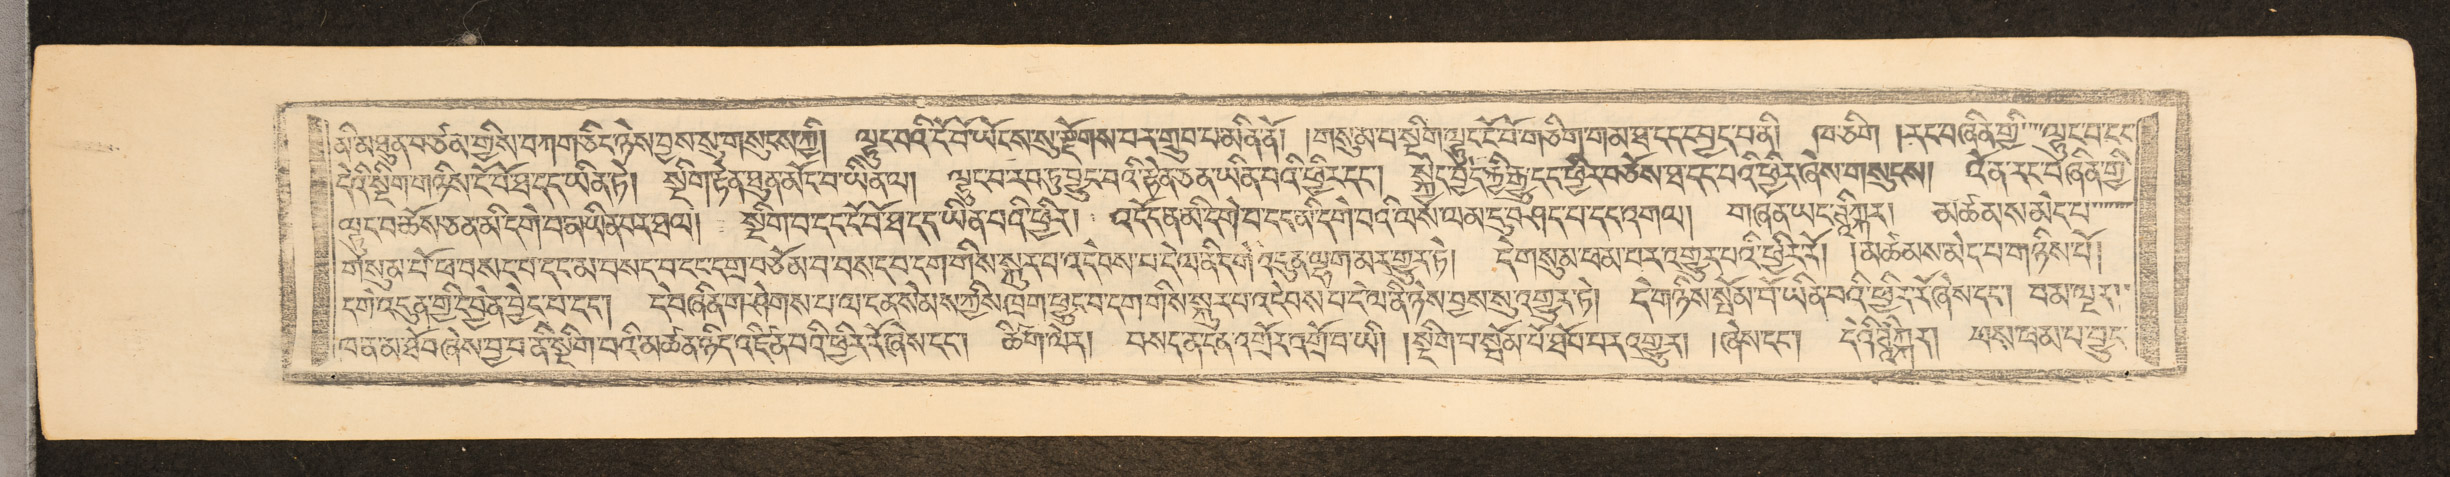མི་མཐུན་པ་ཙམ་གྱིས་བཀག་ཅིང་ཉེས་བྱས་སུ་གསུངས་ཀྱི། ལྟུང་བའི་ངོ་བོ་ཡོངས་སུ་རྫོགས་པར་གྲུབ་པ་མིན་ནོ། །གསུམ་པ་སྡིག་ལྟུང་ངོ་བོ་གཅིག་གམ་ཐ་དད་དཔྱད་པ་ནི། ཁ་ཅིག །རང་བཞིན་གྱི་ལྟུང་བ་དང་
དེའི་སྡིག་གཉིས་ངོ་བོ་ཐ་དད་ཡིན་ཏེ། སྡིག་རྟེན་ཐུན་མོང་བ་ཡིན་ལ། ལྟུང་བ་རབ་ཏུ་བྱུང་བའི་རྟེན་ཅན་ཡིན་པའི་ཕྱིར་དང་། སྐྱེད་བྱེད་ཀྱི་རྒྱུ་དང་ཕྱིར་བཅོས་ཐ་དད་པའི་ཕྱིར་ཞེས་གསུངས། འོ་ན་རང་བཞིན་གྱི་
ལྟུང་བ་ཆོས་ཅན་མི་དགེ་བ་མ་ཡིན་པར་ཐལ། སྡིག་པ་དང་ངོ་བོ་ཐ་དད་ཡིན་པའི་ཕྱིར། འདོད་ན་མི་དགེ་བ་དང་མི་དགེ་བའི་ལས་ལམ་དུ་བཤད་པ་དང་འགལ། གཞན་ཡང་ཊཱིཀྐར། མཚམས་མེད་པ་
གསུམ་པོ་ཕ་བསང་པ་དང་མ་བསང་པ་དང་དགྲ་བཅོམ་པ་བསད་པ་དག་གིས་སྐུར་བ་འདེབས་པ་དེལ་ནི་དགེ་འདུན་ལྷག་མར་གྱུར་ཏེ། དེ་གསུམ་ཕམ་པར་འགྱུར་བའི་ཕྱིར་རོ། །མཚམས་མེད་པ་གཉིས་པོ།
དགེ་འདུན་གྱི་དབྱེན་བྱེད་པ་དང་། དེ་བཞིན་གཤེགས་པ་ལ་ངན་སེམས་ཀྱིས་ཁྲག་ཕྱུང་བ་དག་གིས་སྐུར་པ་འདེབས་པ་དེ་ལ་ནི་ཉེས་བྱས་སུ་འགྱུར་ཏེ། དེ་གཉིས་སྦོམ་པོ་ཡིན་པའི་ཕྱིར་རོ་ཞེས་དང་། བམ་ལྔར།
ཁ་ན་མ་ཐོ་བ་ཞེས་བྱ་བ་ནི་སྡིག་པའི་མཚད་ཉིད་འཛིན་པའི་ཕྱིར་རོ་ཞེས་དང་། ཚིག་ལེར། བསད་ན་ངན་འགྲོར་འགྲོ་བ་ཡི། །སྡིག་པ་སྦོམ་པོ་ཐོབ་པར་འགྱུར། །ཞེས་དང་། དེའི་ཊཱིཀྐར། ཕས་ཕམ་པ་བྱུང་